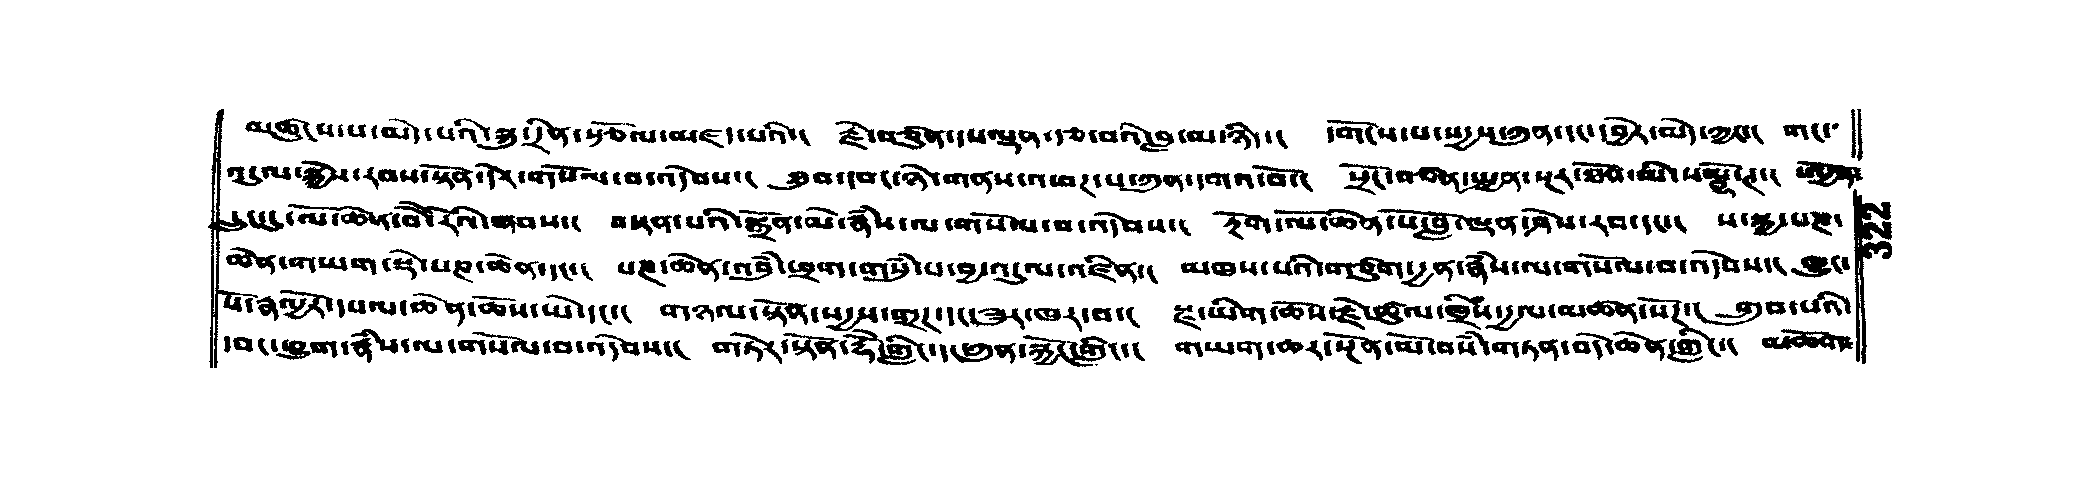མཚུངས་པ་མེད་པའི་སྐུ་དྲིན་སྩོལ་མཛད་པའི། །རྗེ་བཙུན་དཔལ་ལྡན་རྩ་བའི་བླ་མ་ཉིད། །དགོངས་པ་སངས་རྒྱས་ཀུན་དང་དབྱེར་མེད་ཀྱང་། །གང་
འདུལ་སྐྱེས་རབས་སྟོན་དེར་གསོལ་བ་འདེབས། །ཐུབ་དབང་ཉེ་གནས་འཕགས་པ་ཀུན་དགའ་བོ། །སྲོང་བཙན་སྤྱན་སྔར་ཐོན་མི་སམྦྷོ་ཊ། །ཨོ་རྒྱན་
དྲུང་དུ་ལོ་ཆེན་བཻ་རོའི་ཞབས། །བསྟན་པའི་སྒྲོན་མེ་རྣམས་ལ་གསོལ་བ་འདེབས། །རྔོག་ལོ་ཆེན་པོ་བློ་ལྡན་ཤེས་རབ་དང་། །ས་སྐྱ་པཎ་
ཆེན་གཡག་སྡེ་པཎ་ཆེན་དང་། །པཎ་ཆེན་འབུམ་ཕྲག་གསུམ་པ་བྱ་འདུལ་འཛིན། །མཁས་པའི་གཙུག་རྒྱན་རྣམས་ལ་གསོལ་བ་འདེབས། །ཁྱུང་
པོ་རྣལ་འབྱོར་དཔལ་ཆེན་ཆོས་ཡེ་དང་། །གཉལ་སྟོན་སངས་རྒྱས་གྲགས་དང་ཟུར་ཁར་བ། །རྫ་ཡིག་ཆོས་རྗེ་ཚུལ་ཁྲིམས་རྒྱལ་མཚན་སོགས། །གྲུབ་པའི་
དབང་ཕྱུག་རྣམས་ལ་གསོལ་བ་འདེབས། །གཏེར་སྟོན་རྡོ་རྗེ་གླིང་དང་ཀུན་སྐྱོང་གླིང་། །གཡག་ཆར་སྔོན་མོ་བསམ་གཏན་བདེ་ཆེན་གླིང་། །མཆོག་